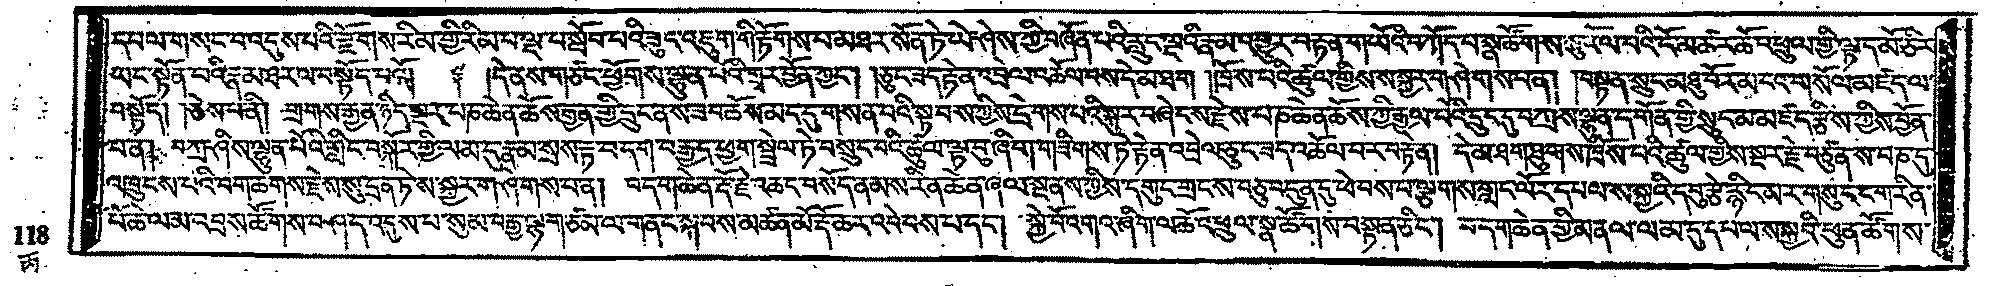དཔལ་གསང་བ་འདུས་པའི་རྫོགས་རིམ་གྱི་རིམ་པ་ལྔ་པ་སློབ་པའི་ཟུང་འཇུག་གི་རྟོགས་པ་མཐར་སོན་ཏེ་ཡེ་ཤེས་ཀྱི་བཞོན་པའི་རླུང་ལྔའི་རྣམ་འགྱུར་བརྟན་གཡོའི་བཀོད་པ་སྣ་ཚོགས་སུ་རོལ་པའི་ངོ་མཚར་ཆོ་འཕྲུལ་གྱི་ལྟད་མོ་ཅིར་
ཡང་སྟོན་པའི་རྣམ་ཐར་ལ་བསྟོད་པའོ། ༈ །དེ་ནས་གཙང་ཕྱོགས་ལྷུན་པོའི་གྲྭར་བྱོན་ཀྱང་། །ཅུང་ཟད་རྟེན་འབྲེལ་འཆོལ་བས་དེ་མ་ཐག །ཁྲོས་པའི་ཚུལ་གྱིས་ས་སྐྱར་གཤེགས་པ་ན། །བསྟན་སྲུང་མཐུ་བོར་མངའ་གསོལ་མཛད་ལ་
བསྟོད། །ཅེས་པ་ནི། གྲགས་རྒྱན་ཉིད་སྔར་པཎ་ཆེན་ཆོས་རྒྱན་གྱི་དྲུང་ནས་ཟབ་ཆོས་མང་དུ་གསན་པའི་སྟབས་ཀྱིས་དྲེགས་པའི་སྐུར་བཞེངས་རྗེས་པཎ་ཆེན་ཆོས་ཀྱི་རྒྱལ་པོའི་དྲུང་དུ་བཀྲས་ལྷུན་དགོན་གྱི་སྲུང་མ་མཛད་རྩིས་ཀྱིས་བྱོན་
པ་ན། བཀྲ་ཤིས་ལྷུན་པོའི་གླིང་བསྐོར་གྱི་ལམ་དུ་རྣམ་སྲས་རྟ་བདག་བརྒྱད་ཕྱག་སྦྲེལ་ཏེ་བསྲུང་བའི་ཚུལ་ལྟ་བུ་ཞིག་གཟིགས་ཏེ་རྟེན་འབྲེལ་ཅུང་ཟད་འཆོལ་བར་བརྟེན། དེ་མ་ཐག་ཐུགས་ཁྲོས་པའི་ཚུལ་གྱིས་སྔར་རྗེ་བཙུན་ས་པཎ་དུ་
འཁྲུངས་པའི་བག་ཆགས་རྗེས་སུ་དྲན་ཏེ་ས་སྐྱར་གཤེགས་པ་ན། བདག་ཆེན་རྡོ་རྗེ་འཆང་བསོད་ནམས་རིན་ཆེན་ཞལ་སྔ་ནས་ཀྱིས་དགུང་གྲངས་བཅུ་བདུན་དུ་ཕེབས་པ་ལྕགས་གླང་ལོར་དཔལ་ས་སྐྱའི་དབུ་རྩེ་རྙིང་མར་གསུང་ངག་རིན་
པོ་ཆེ་ལམ་འབྲས་ཚོགས་བཤད་འདུས་པ་སུམ་བརྒྱ་ལྷག་ཙམ་ལ་གནང་སྐབས་མཚན་མོ་རྡོ་ཆར་འབེབས་པ་དང་། སྐྱེ་བོ་འགའ་ཞིག་ལ་ཆོ་འཕྲུལ་སྣ་ཚོགས་བསྟན་ཅིང་། བདག་ཆེན་གྱི་མནལ་ལམ་དུ་དཔལ་ས་སྐྱའི་ཕུན་ཚོགས་